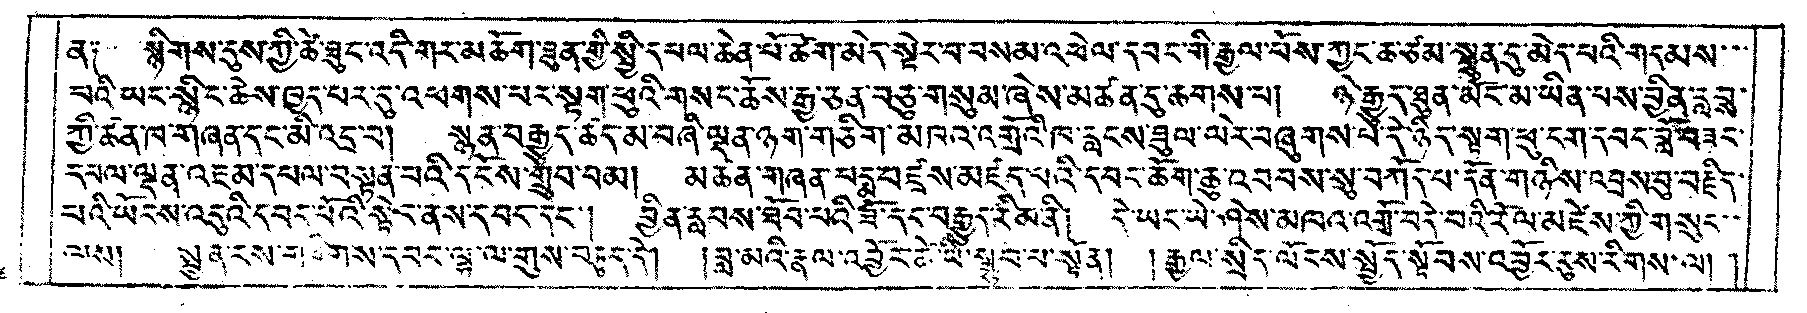ན༑ སྙིགས་དུས་ཀྱི་ཚེ་ཐུང་འདི་གར་མཆོག་ཐུན་གྱི་སྤྱི་དཔལ་ཆེན་པོ་ཚེག་མེད་སྟེར་བ་བསམ་འཕེལ་དབང་གི་རྒྱལ་པོས་ཀྱང་ཆ་ཙམ་སྒྲུན་དུ་མེད་པའི་གདམས་
པའི་ཡང་སྙིང་ཆེས་ཁྱད་པར་དུ་འཕགས་པར་སྟག་ཕུའི་གསང་ཆོས་རྒྱ་ཅན་བཅུ་གསུམ་ཞེས་མཚན་དུ་ཆགས་པ། ཉེ་རྒྱུད་ཐུན་མོང་མ་ཡིན་པས་བྱིན་རླབས་
ཀྱི་ཚན་ཁ་གཞན་དང་མི་འདྲ་བ། སྙན་བརྒྱུད་ཚད་མ་བཞི་ལྡན་ཉག་གཅིག་མཁའ་འགྲོའི་ཁ་རླངས་ཐུལ་ལེར་བཞུགས་པ་དེ་ཉིད་སྟག་ཕུ་ངག་དབང་བློ་བཟང་
དཔལ་ལྡན་འཇམ་དཔལ་བསྟན་པའི་དངོས་གྲུབ་བམ། མཚན་གཞན་པདམ་བཛྲས་མཛད་པའི་དབང་ཆོག་ཆུ་འབབས་སུ་བཀོད་པ་དོན་གཉིས་འབྲས་བུ་བརྗིད་
པའི་ཡོངས་འདུའི་དབང་པོའི་སྟེང་ནས་དབང་དང་། བྱིན་རླབས་ཐོབ་པའི་ཐོ་དང་བརྒྱུད་རིམ་ནི། དེ་ཡང་ཡེ་ཤེས་མཁའ་འགྲོ་བདེ་བའི་རོལ་མཛེས་ཀྱི་གསུང་
ལས། སྤྱན་རས་གཟིགས་དབང་ལྷ་ལ་གུས་བཏུད་དེ། །བླ་མའི་རྣལ་འབྱོར་ཚེ་ཡི་སྒྲུབ་པ་སྟོན། །རྒྱལ་སྲིད་ལོངས་སྤྱོད་སྟོབས་འབྱོར་རུས་རིགས་ལ། །